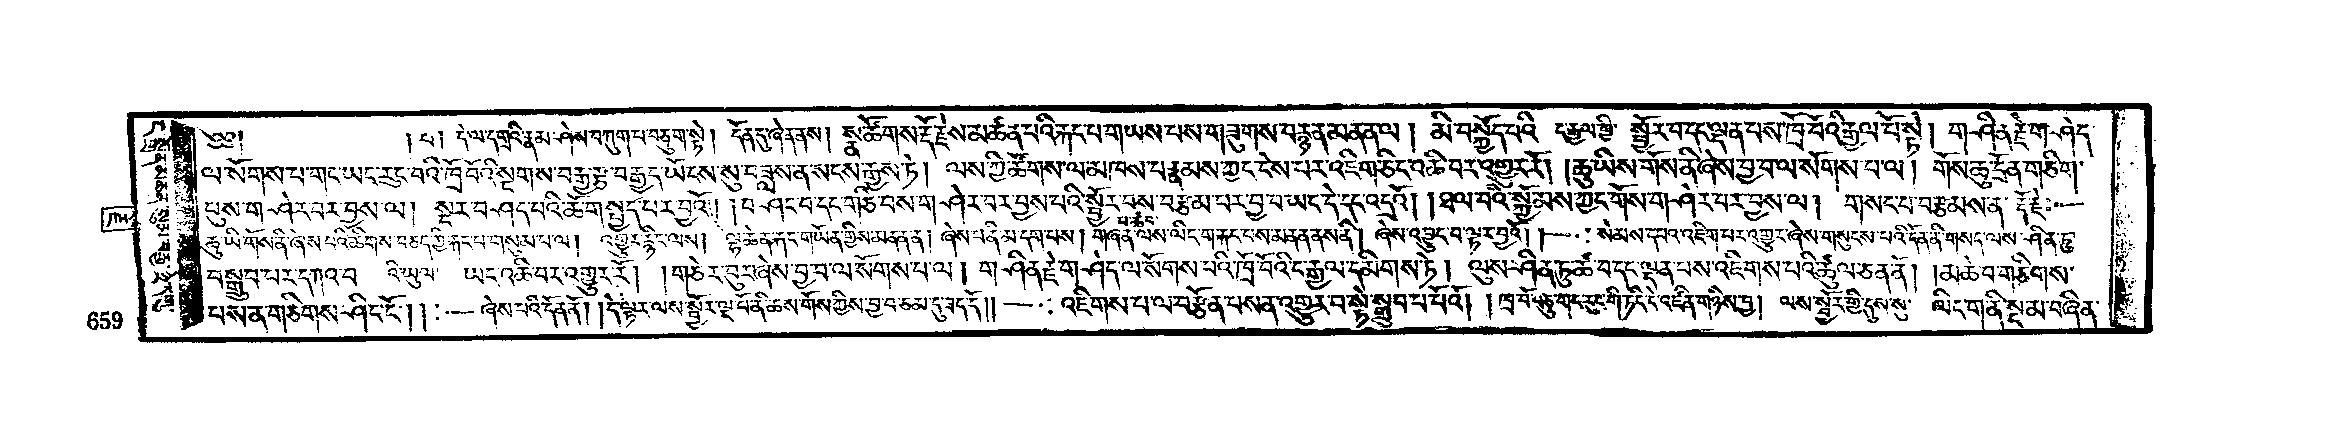༄༅། །ལ། དེ་ལ་དགྲའི་རྣམ་ཤེས་བཀུག་པ་བཅུག་སྟེ། དོན་དུ་ཞེན་ནས། སྣ་ཚོགས་རྡོ་རྗེས་མཚན་པའི་རྐང་པ་གཡས་པས་གཟུགས་བརྙན་མནན་ལ། མི་བསྐྱོད་པའི་ང་རྒྱལ་གྱི་སྦྱོར་བ་དང་ལྡན་པས་ཁྲོ་བོའི་རྒྱལ་པོ་སྟེ། གཤིན་རྗེ་གཤེད་
ལ་སོགས་པ་གང་ཡང་རུང་བའི་ཁྲོ་བོའི་སྔགས་བརྒྱ་རྩ་བརྒྱད་ཡོངས་སུ་བཟླས་ན་སངས་རྒྱས་ཏེ། ལས་ཀྱི་ཚོགས་ལ་མཁས་པ་རྣམས་ཀྱང་ངེས་པར་འཇིག་ཅིང་འཆི་བར་འགྱུར་རོ། །ཆུ་ཡིས་གོས་ནི་ཞེས་བྱ་བ་ལ་སོགས་པ་ལ། གོས་ཆུ་དྲོན་གཅིག་
པུས་གཤེར་བར་བྱས་ལ། སྔར་བཤད་པའི་ཆོ་ག་སྤྱད་པར་བྱའོ། །བཤང་བ་དང་གཅི་བས་གཤེར་བར་བྱས་པའི་སྦྱོར་བས་བརྩམ་པར་བྱ་བ་ཡང་དེ་དང་འདྲའོ། །ཐལ་བའི་སྐྱོ་མས་ཀྱང་གོས་གཤེར་བར་བྱས་ལ། གསང་བ་བརྩམས་ན་རྡོ་རྗེཿ
ཆུ་ཡི་གོས་ནི་ཞེས་པའི་ཚིགས་བཅད་ཀྱི་རྐང་པ་གསུམ་པ་ལ། འགྱུར་རྙིང་ལས། ལྷ་ཆེན་རྐང་གཡོན་གྱིས་མནན་ན། ཞེས་པ་ནི་མ་དག་པས། གཞན་ལས་ལིང་ག་རྐང་པས་མནན་ནས་ནི། ཞེས་འབྱུང་བ་ལྟར་བྱའོ། །.H སེམས་དཔའ་འཇིགས་པར་འགྱུར་ཞེས་གསུངས་པའི་དོན་ནི་གསད་ལས་ཤིན་ཏུ་
བསྒྲུབ་པར་དཀའ་བའི་ཡུལ་ཡང་འཆི་བར་འགྱུར་རོ། །གཅེར་བུར་ཞེས་བྱ་བ་ལ་སོགས་པ་ལ། གཤིན་རྗེ་གཤེད་ལ་སོགས་པའི་ཁྲོ་བོའི་ང་རྒྱལ་དམིགས་ཏེ། ལུས་ཤིན་ཏུ་ཚ་བ་དང་ལྡན་པས་འཇིགས་པའི་ཚུལ་ཅན་ནོ། །མཆེ་བ་གཅིགས་
པས་ན་གཅིགས་ཤིང་ངོ།།H.ཞེས་པའི་དོན་ནོ། །དེ་ལྟར་ལས་སྦྱོར་ལྔ་པོ་ནི་ཆས་གོས་ཀྱིས་བྱ་བ་ཙམ་དུ་ཟད་དོ།།.Hའཇིགས་པ་ལ་བརྩོན་པས་ན་འགྱུར་བ་སྟེ་སྒྲུབ་པ་པོའོ། ། ཁྲ་བོ་བཅུ་གང་རུང་གི་ཏིང་ངེ་འཛིན་གཉིས་བྱ། ལས་སྦྱོར་གྱི་དུས་སུ་ལིང་ག་ནི་སྔ་མ་བཞིན་